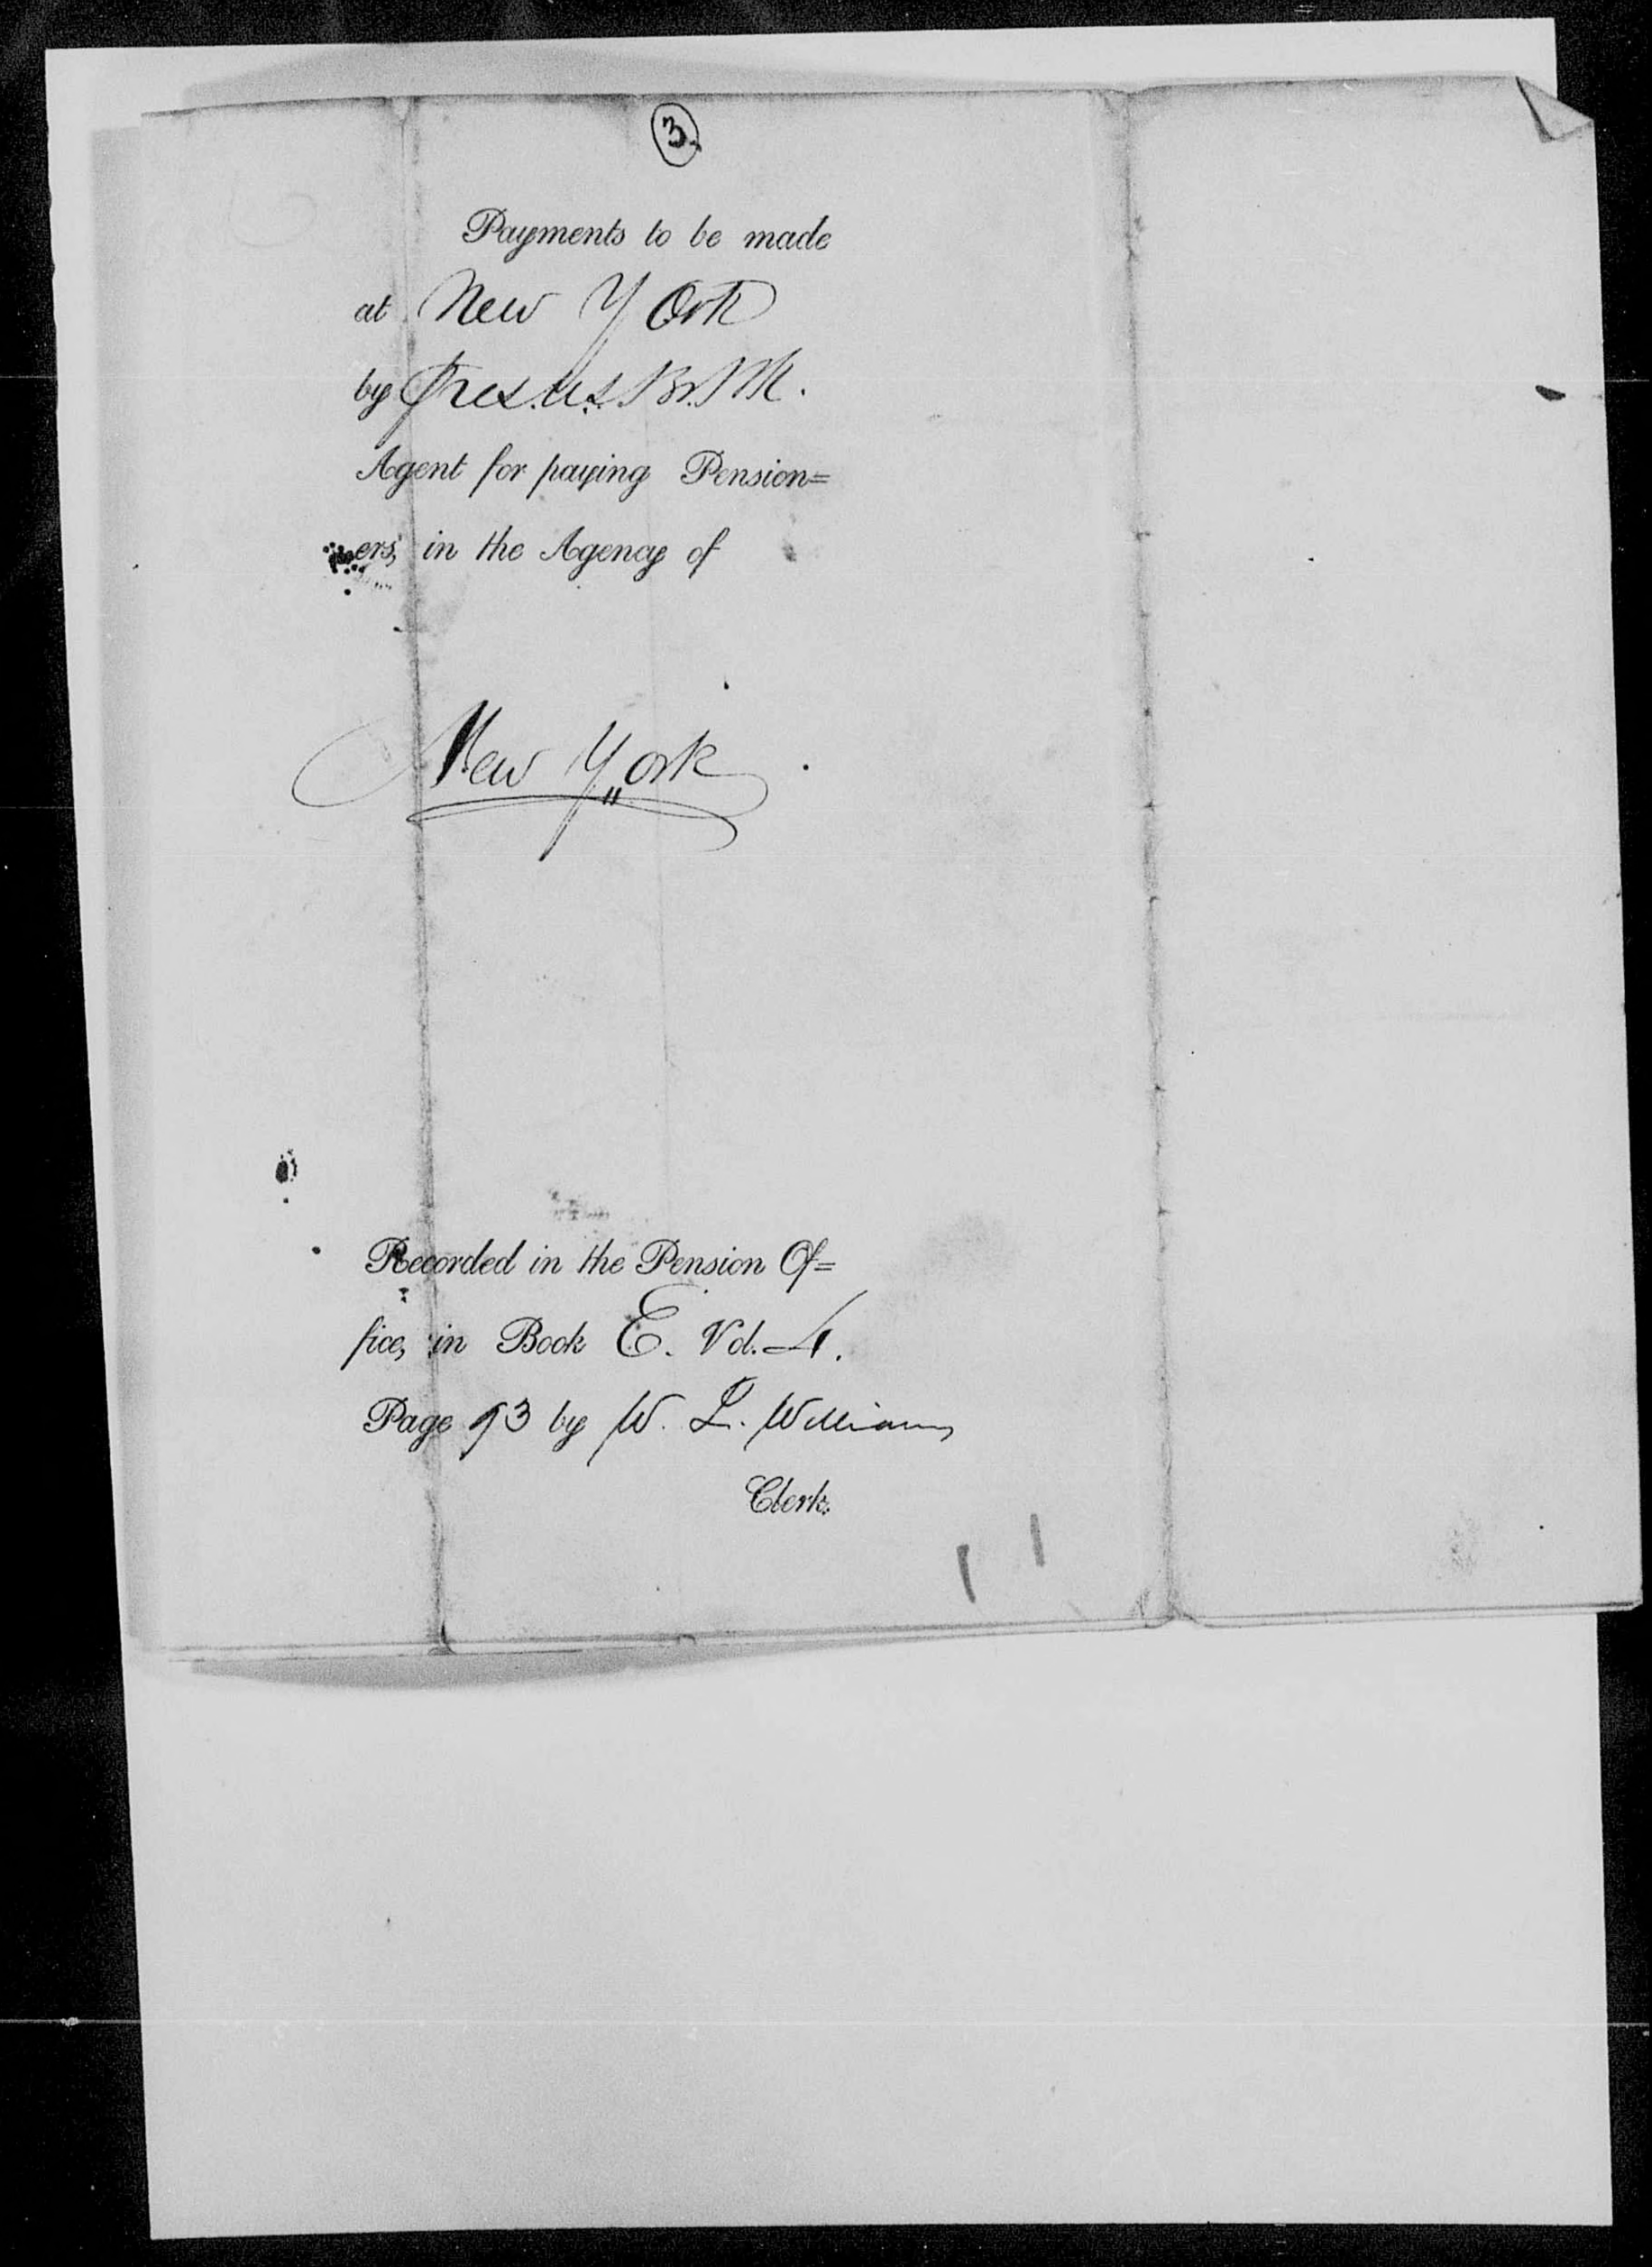(3)
Payments to be made at New York by [illegible] Agent for paying Pensioners in the Agency of New York

Recorded in the Pension Office, in Book E. Vol. 4.
Page 93 by W.L. Williams, Clerk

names: W L Williams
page: 41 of 51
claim: survivor's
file: S. 12563, Severinus Cook, New York